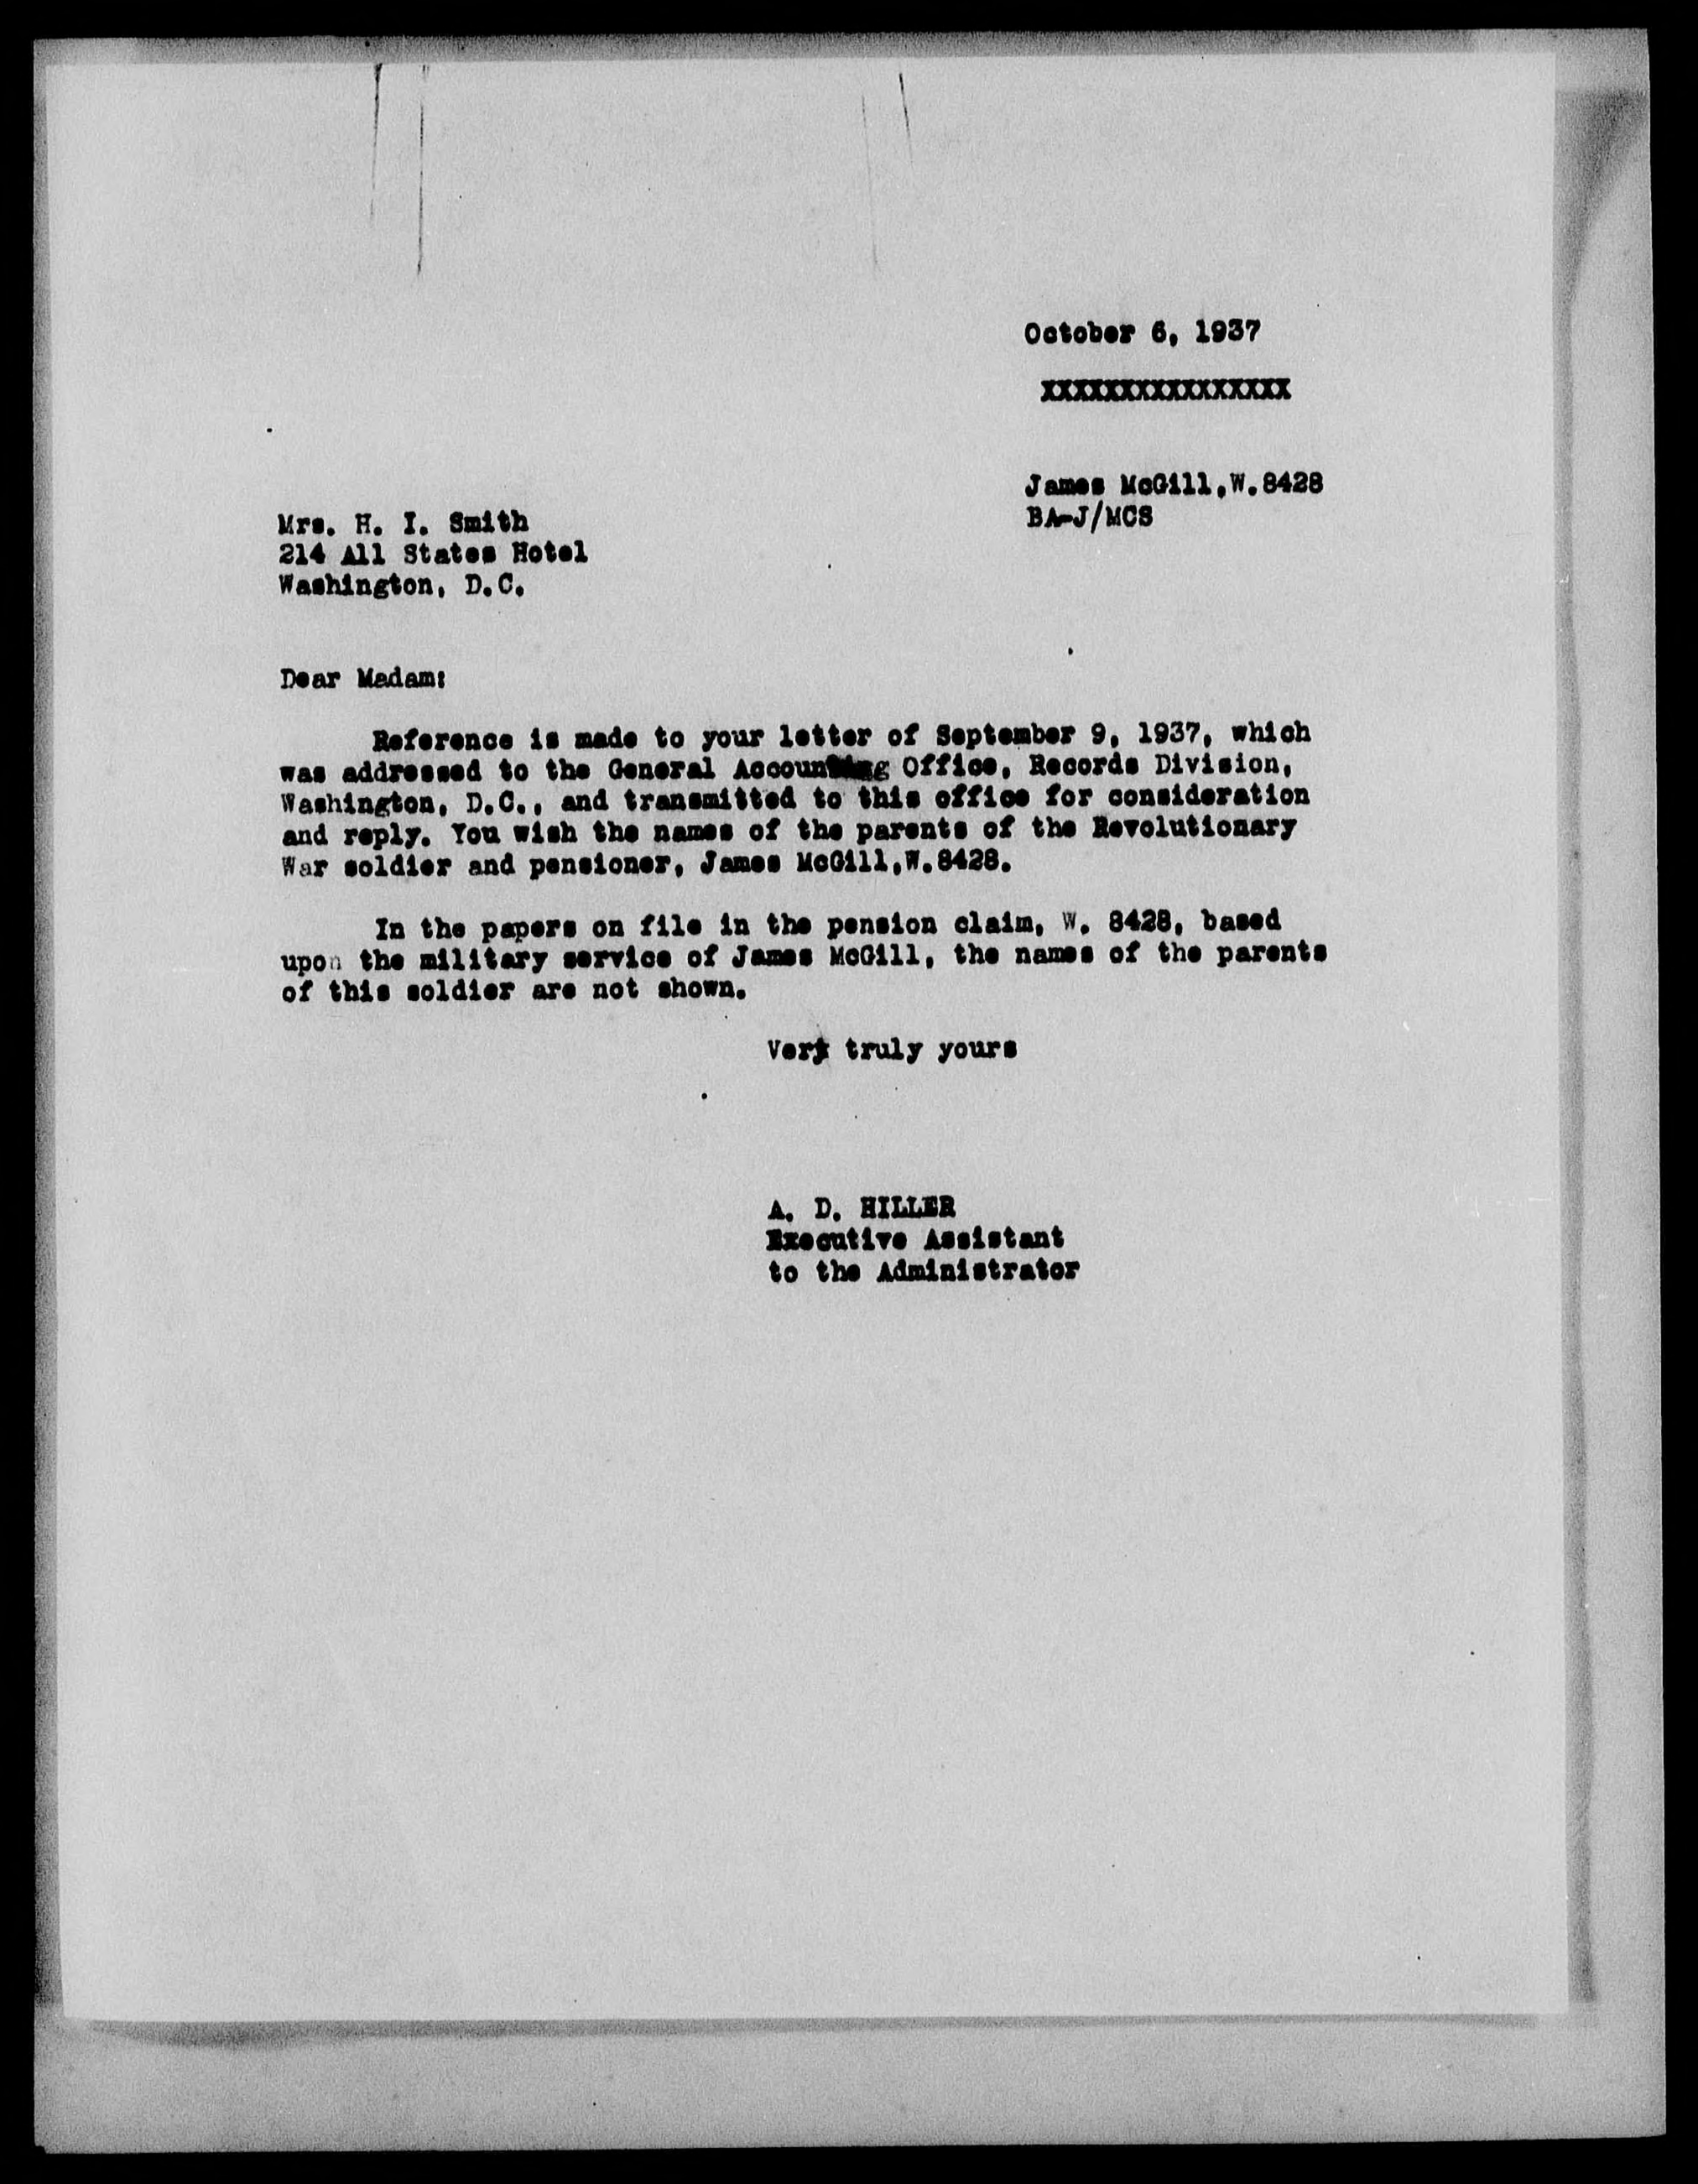Image 125     4160873_00125
Fold3 File #23857291

[Letter]
Oct 6, 1937
xxxxxxxxxxxx
James McGill, W.2828
BA-J/MCS

Mrs. H. I. Smith
214 All States Hotel
Washington, D. C.
Dear Madam:
Reference is made to your letter of September 9, 1937, which was addressed to the General Accounting Office, Records Division, Washington, D.C., and transmitted to this office for consideration and reply.  You wish  the names of the parents of the Revolutionary War  soldier and pensioner James McGill, W. 8428.
In the papers on filed in the pension claim, W. 8428, based upon the military service of James McGill, the names of the parents of this soldier are not shown.  
Very truly yours
A.D. HILLER
Executive Assistant to the Administrator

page: 67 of 71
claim: widow's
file: W. 8428, for James Mc Gill, Pennsylvania